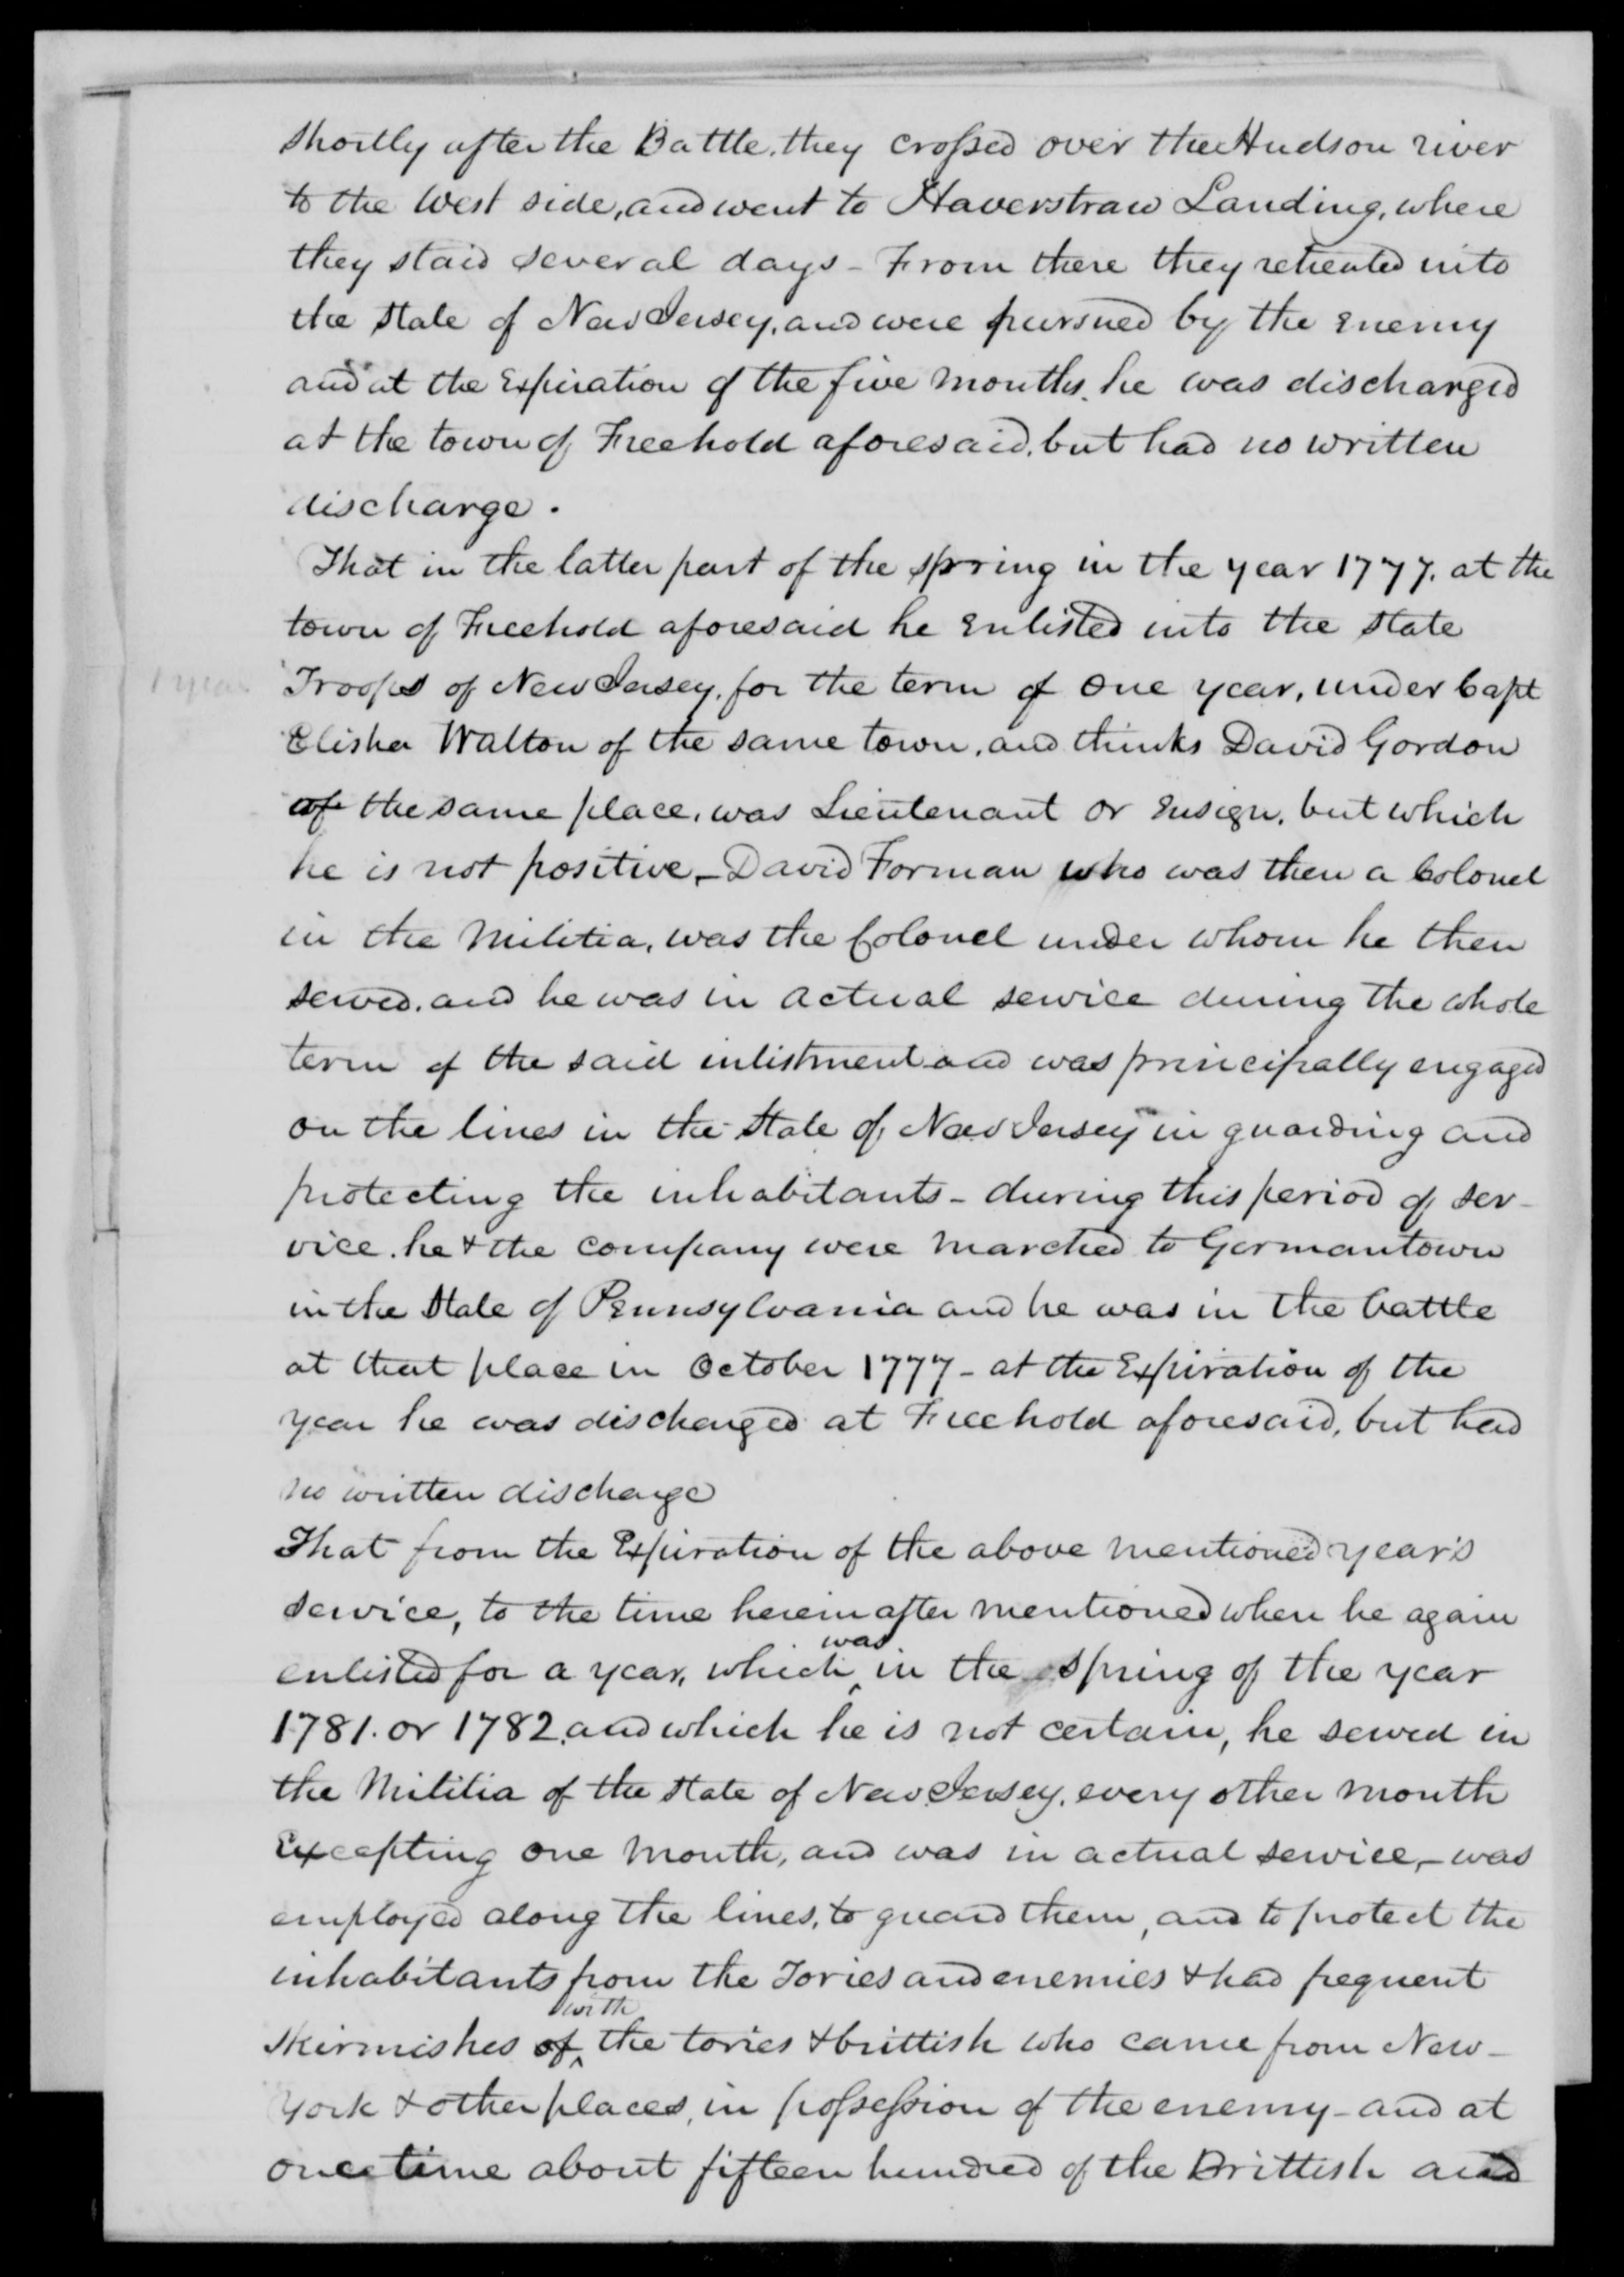shortly after the Battle, they crossed over the Hudson River to the west side and went to Haverstraw Landing, where they (staid, sic) stayed several days.  From there they retreated into the State of New Jersey, and were pursued by the enemy and at the expiration of the five months, he was discharged at the town of Freehold aforesaid, but had no written discharge.

That in the latter part of the spring in the year 1777, at the town of Freehold aforesaid he enlisted into the State Troops of New Jersey for the term of one year under Capt. Elisha Walton of the same town, and thinks David Gordon of the same place, was Lieutenant or (illegible, ensign), but which he is not positive - David Forman who was then a Colonel in the Militia, was the Colonel under whom he then served, and he was in  actual service during the whole term of the said enlistment and was principally engaged on the lines in the State of New Jersey in guarding and protecting the inhabitants - during this period of service he & the company were marched to Germantown in the State of Pennsylvania and he was in the battle at that place in October 1777 - at the expiration of the year he was discharged at Freehold aforesaid, but he no written discharge.

That from the expiration of the above mentioned year's service, to the time hereinafter mentioned where he again enlisted for a year which was in the spring of the year 1781 or 1782 and which he is not certain, he served in the Militia of the State of New Jersey, every other month excepting one month, and was in actual service - was deployed along the lines, to guard them, and to protect the inhabitants from the Tories and enemies & had frequent skirmishes with the Tories & British who came from New York & other places, in possession of the enemy - and at one time about fifteen hundred of the British and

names: Elisha Walton, David Gordon, David Forman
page: 12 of 66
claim: widow's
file: W. 19588, William Walling, New Jersey